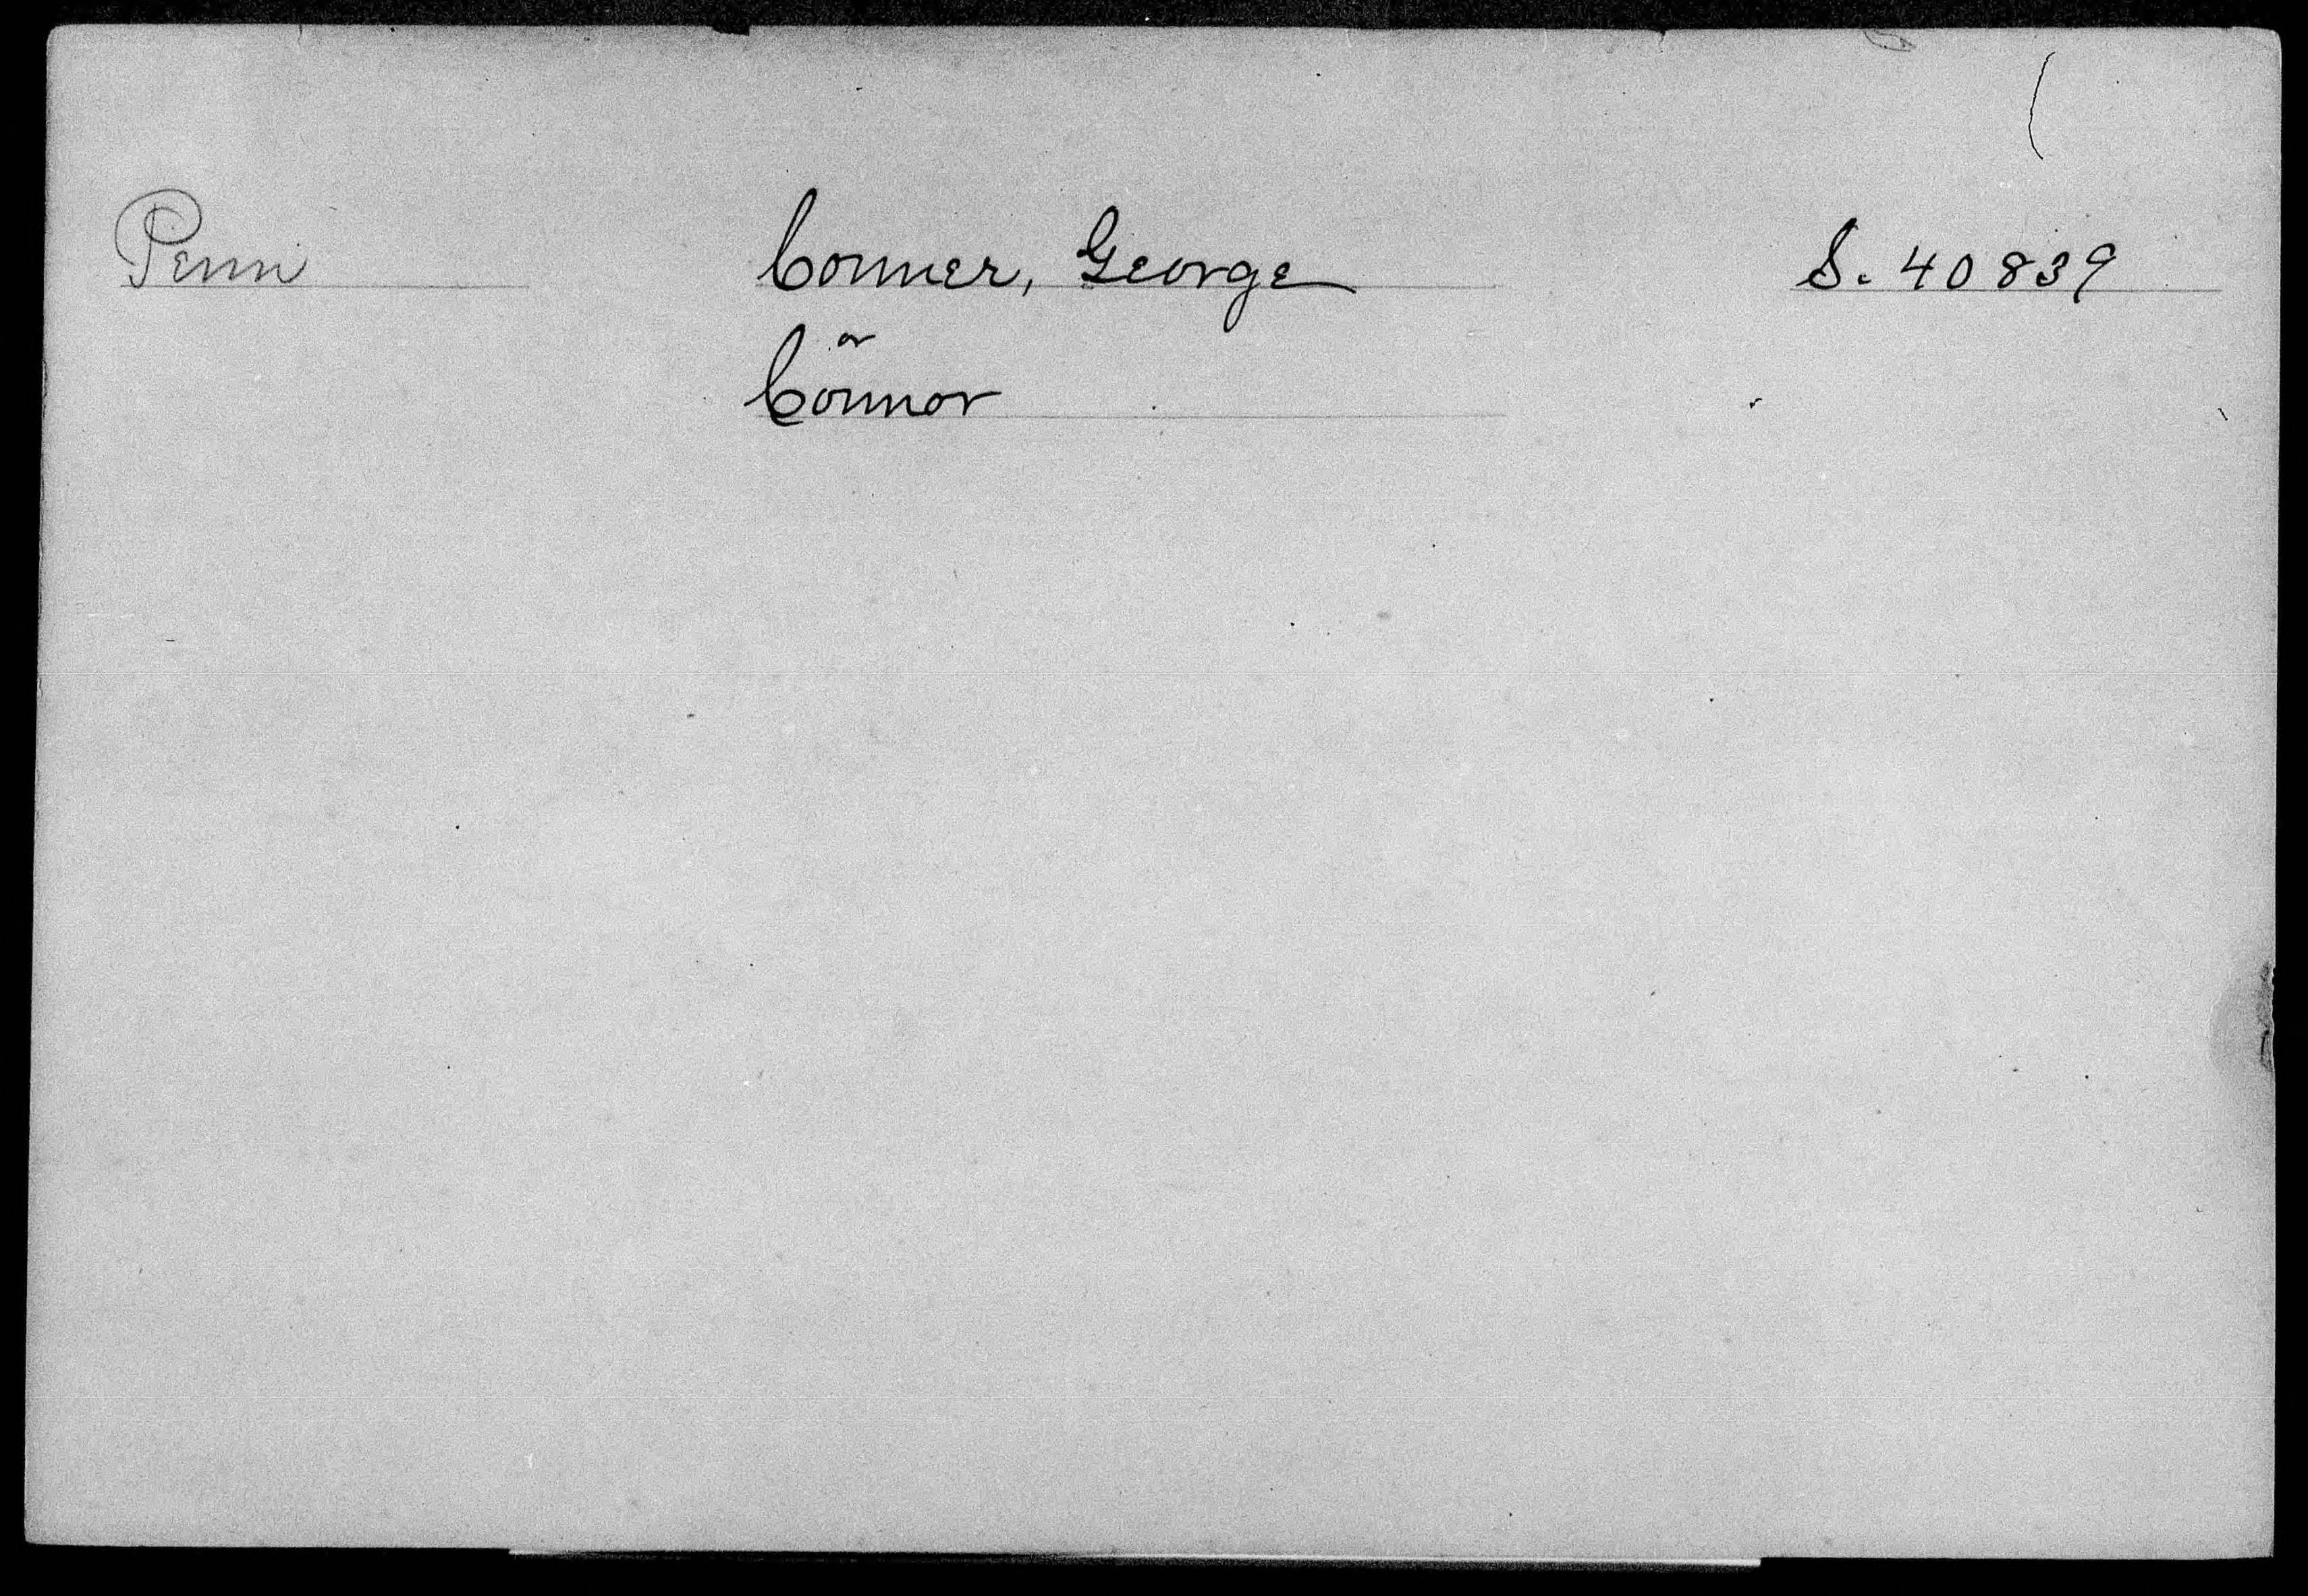Penn

Conner, George
or 
Connor

S. 40839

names: George Connor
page: 1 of 1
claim: survivor's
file: S. 40839, George Conner, Penn